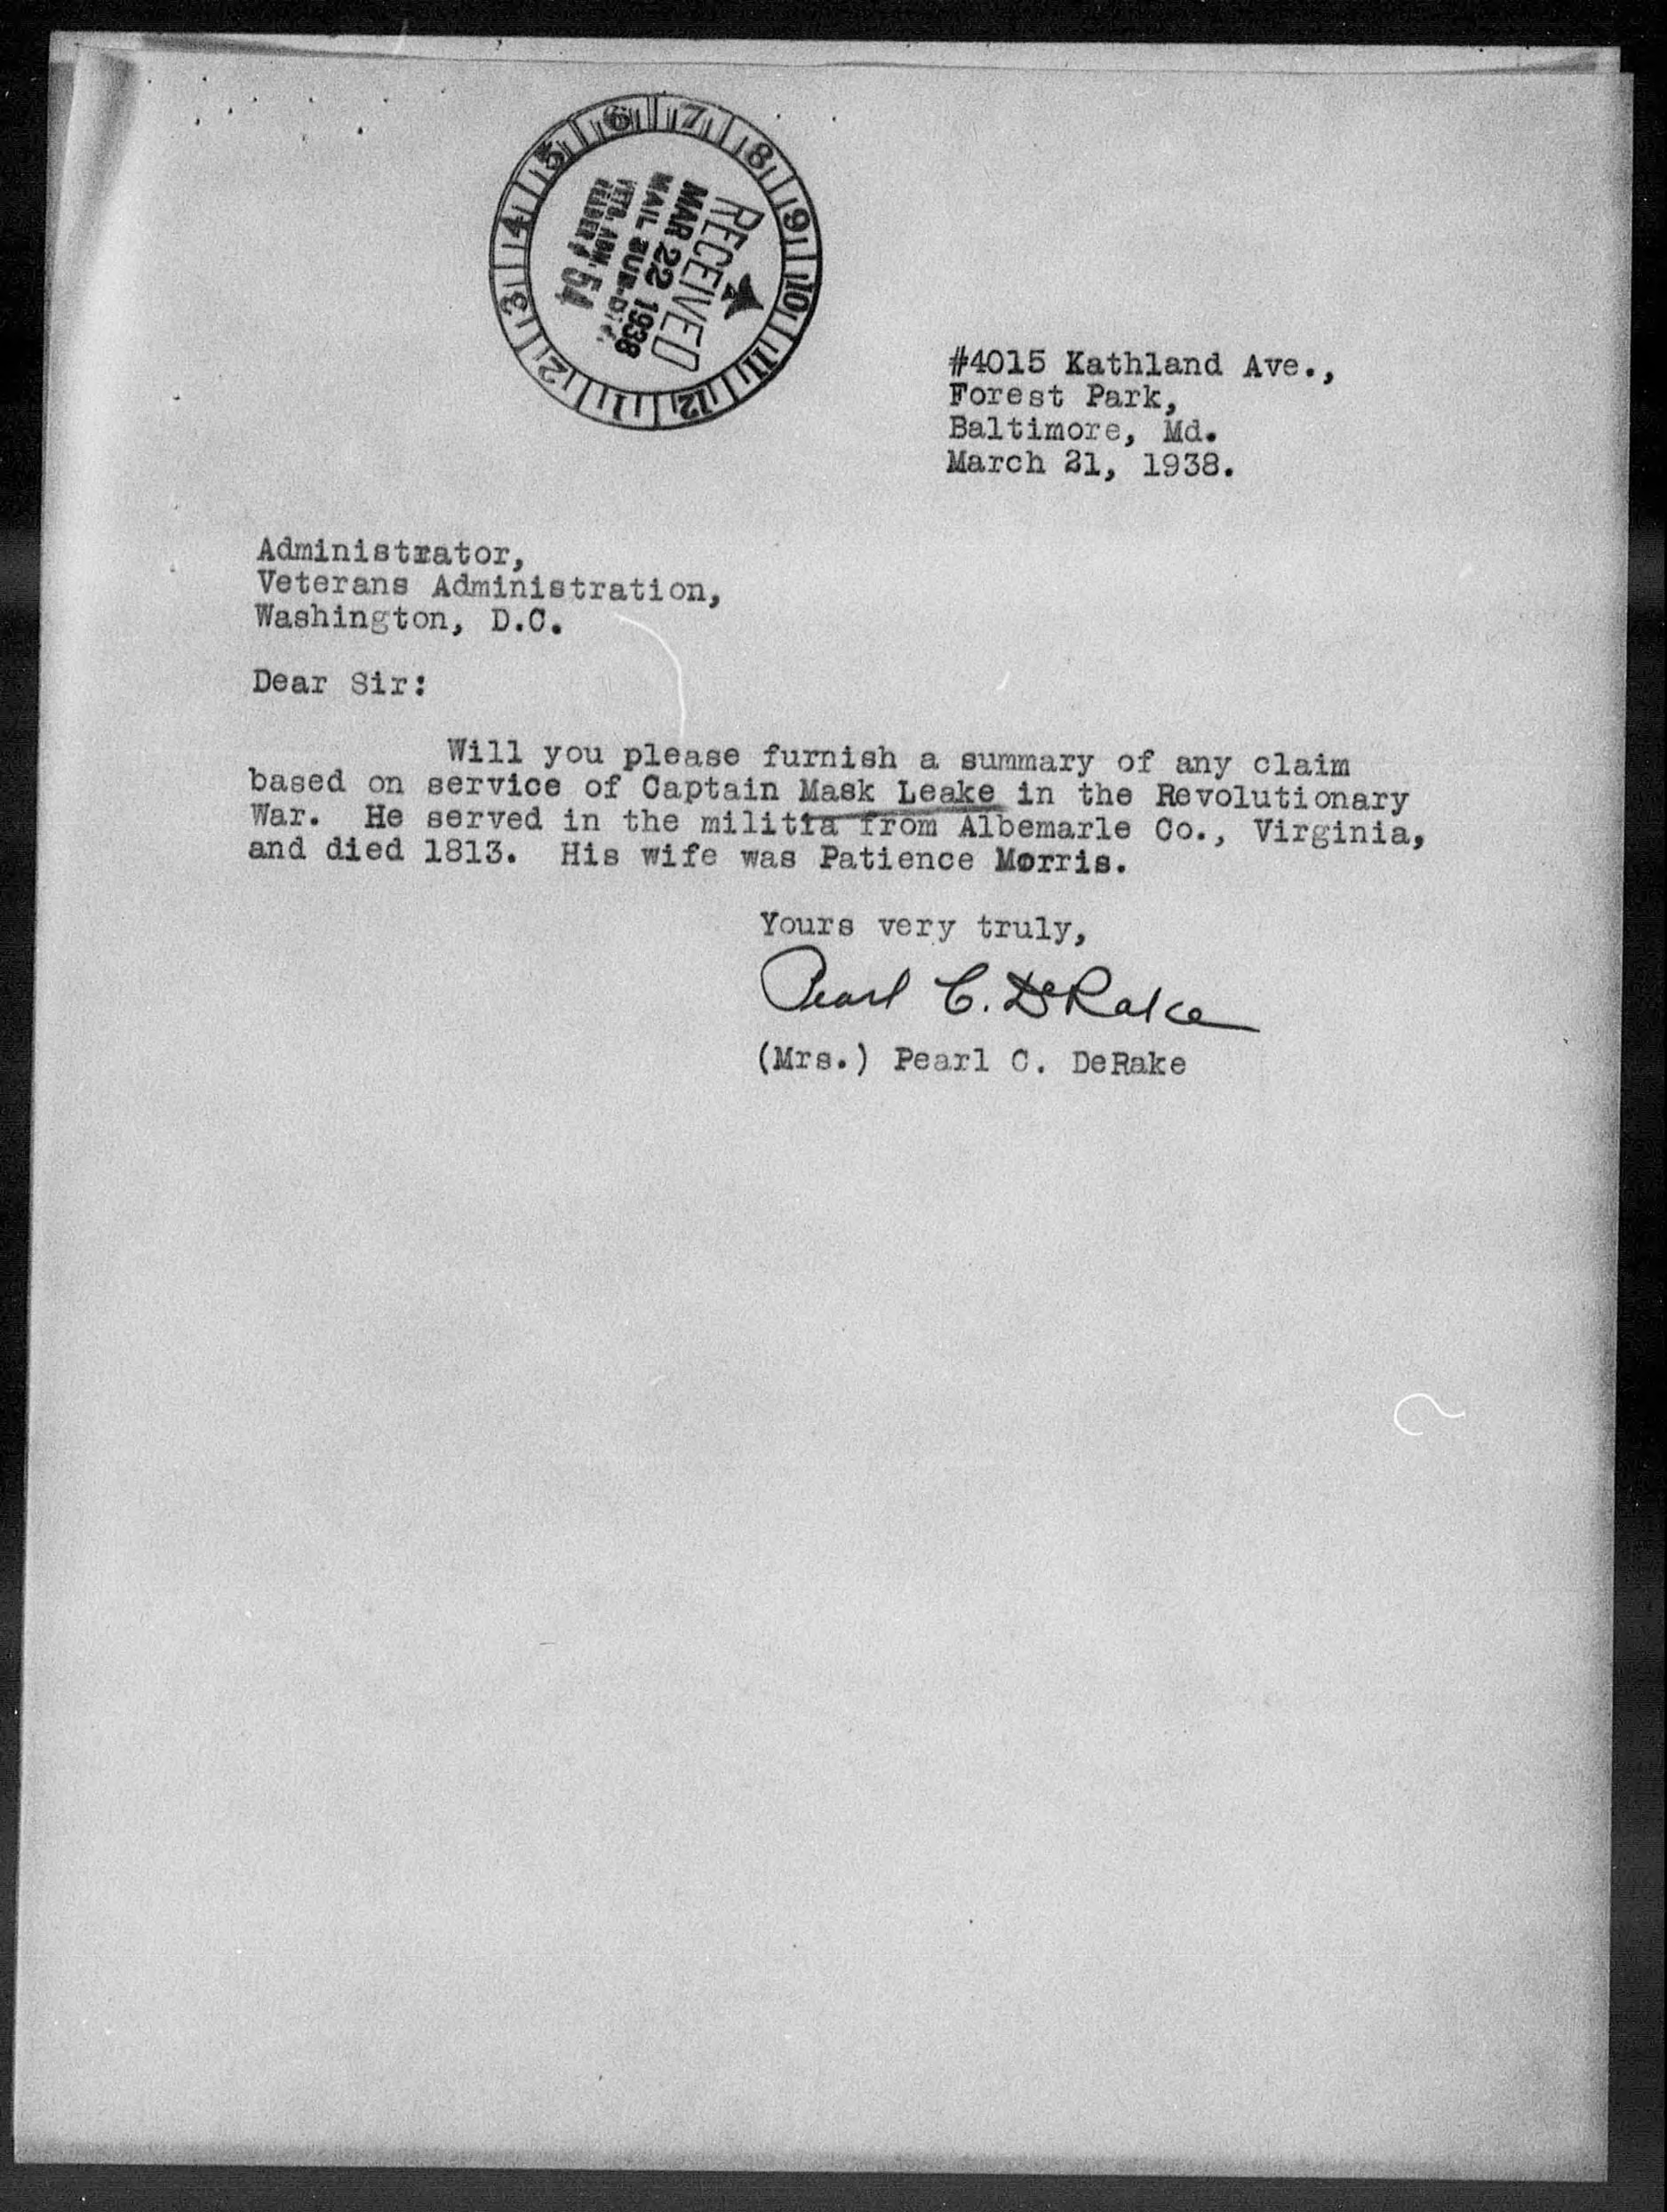#4015 Kathland Ave.,
Forest Park,
Baltimore, Md.

Administrator,
Veterans Administration,
Washington, D. C.

Dear Sir:

Will you please furnish a summary of any claim based on service of Captain Mask Leake in the Revolutionary War. He served in the militia from Albemarle Co., Virginia, and died 1813. His wife was Patience Morris.

Yours very truly,
Pearl C. DeRake [signature]
(Mrs.) Pearl C. DeRake.


RECEIVED 
MAR 22 1938
MAIL SUB-DIV.
VETS ADM.
READER 54 [ink stamp]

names: Pearl C De Rake, Patience Morris, Pearl C De Rake, Mask Leake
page: 52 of 71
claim: widow's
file: W. 25310, Claudius Buster, Va.